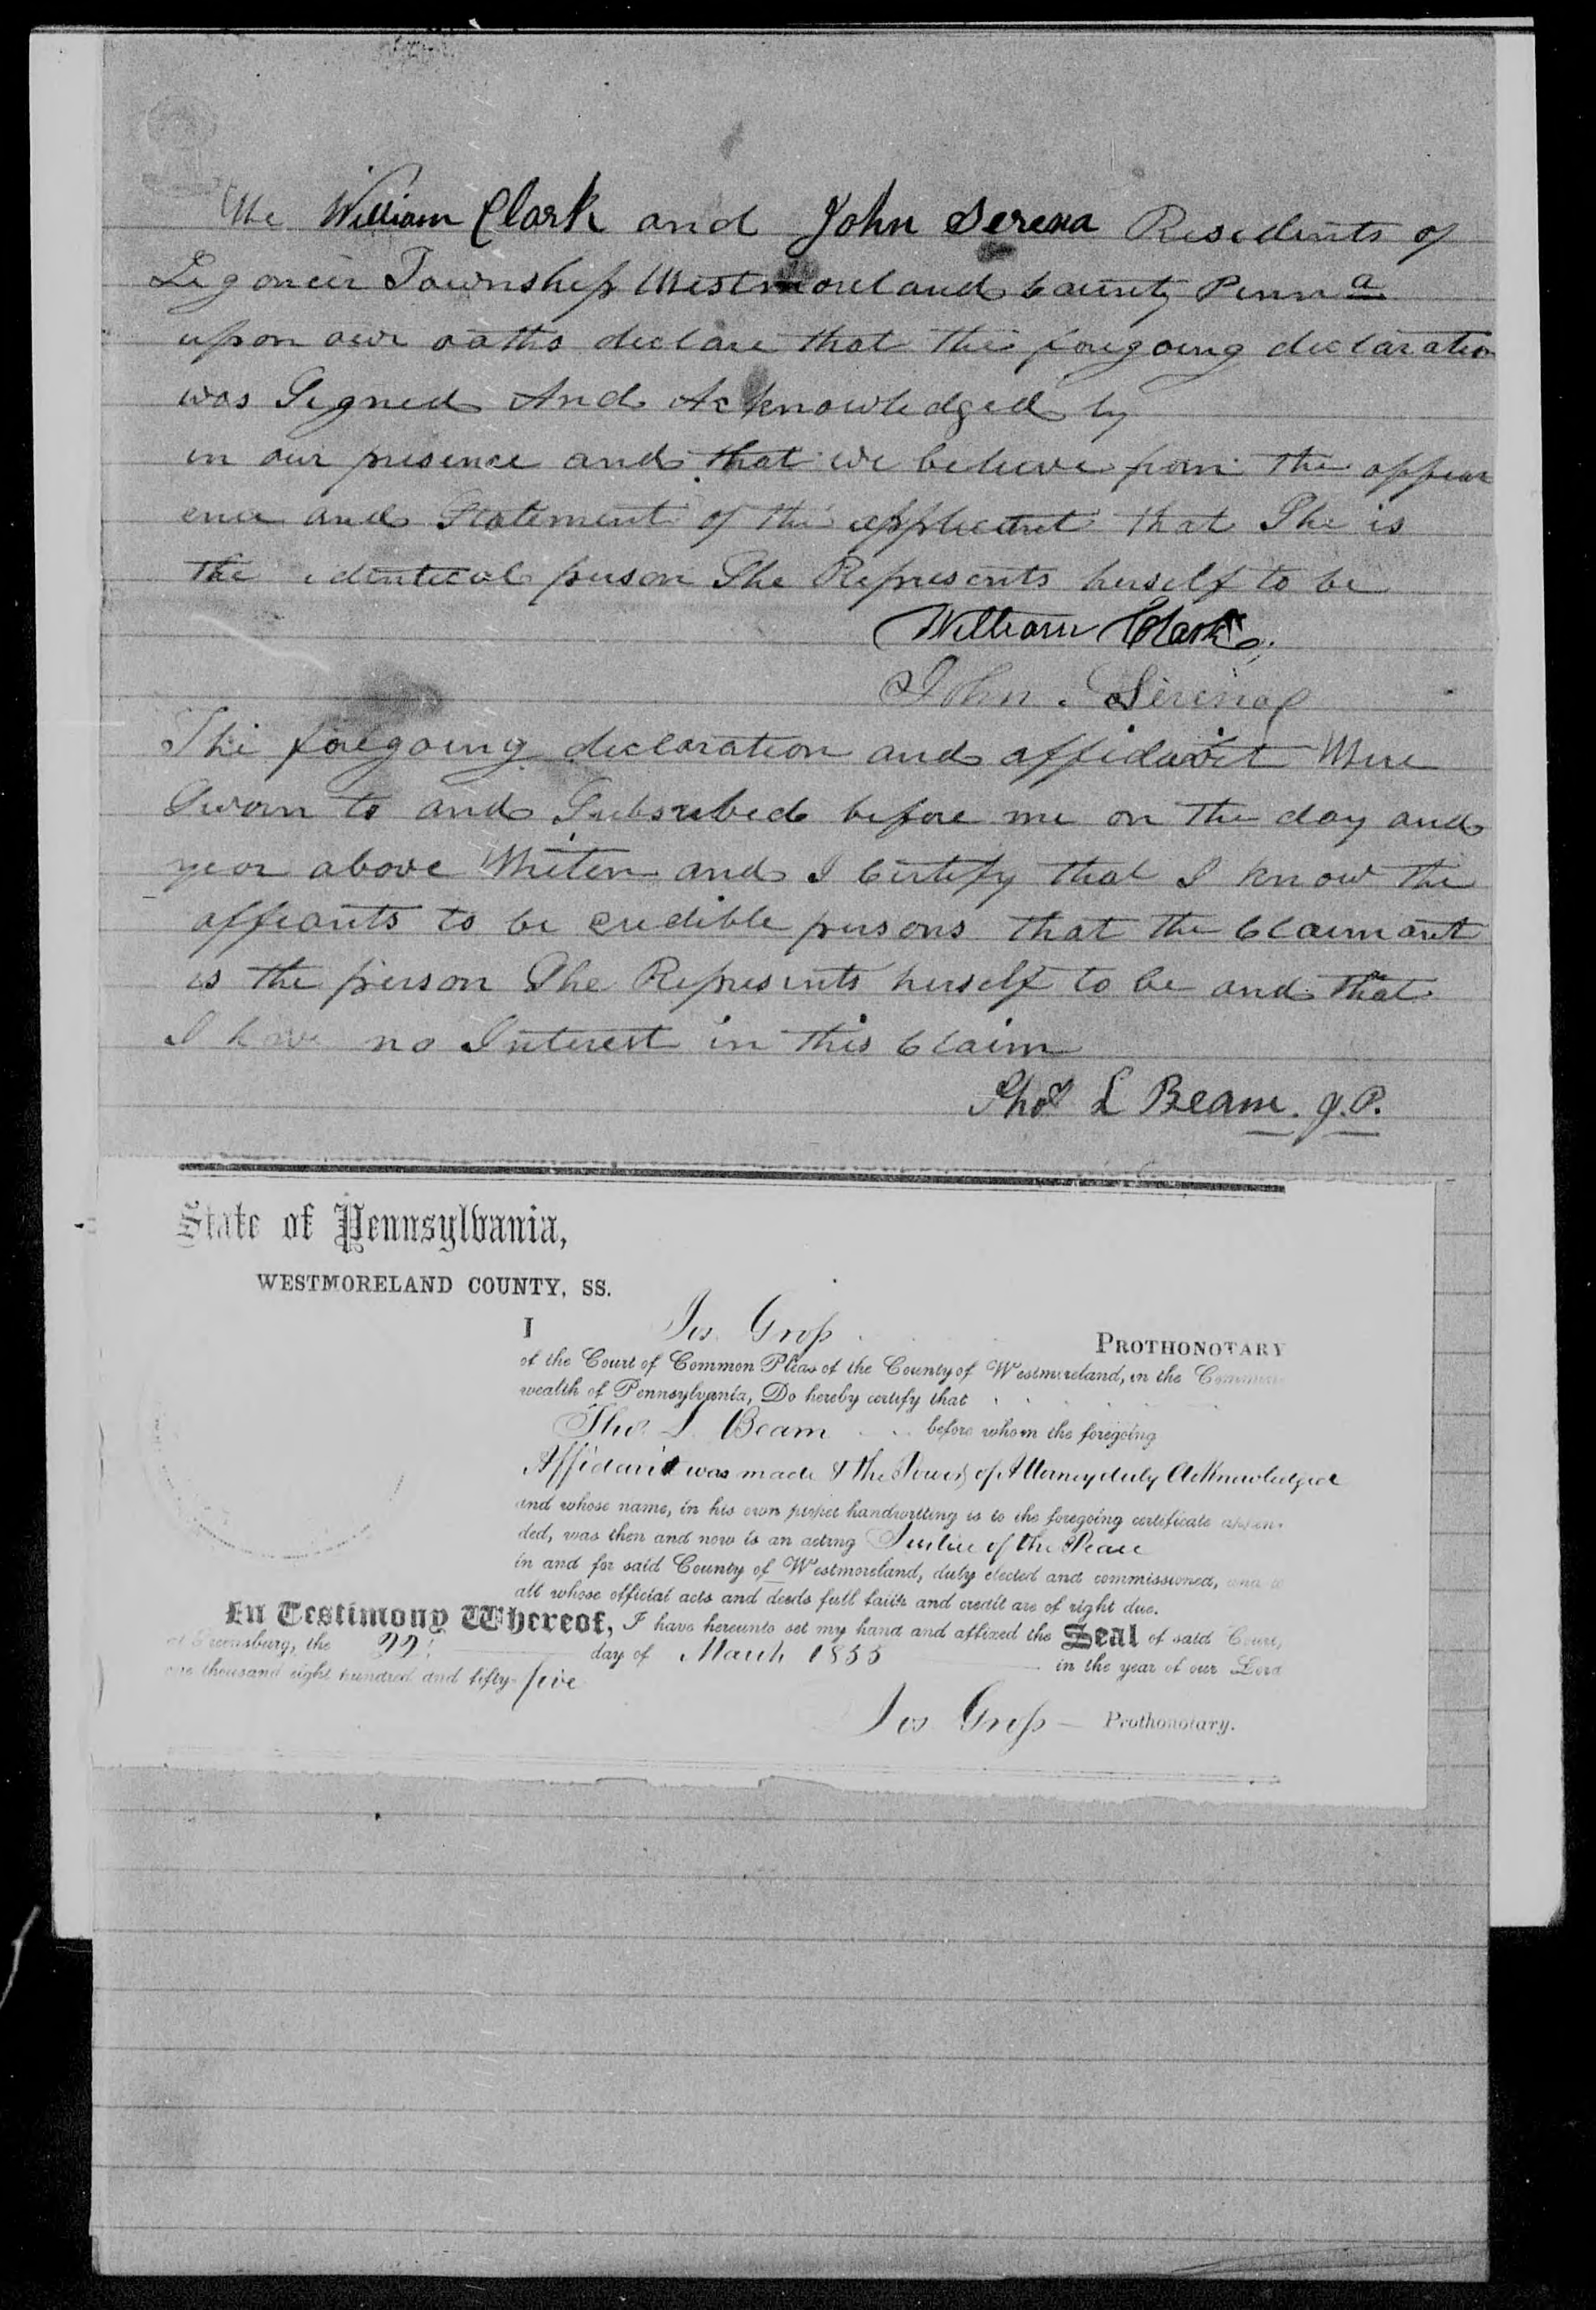the William Clark and John Serena residents of Ligonier Township Westmoreland County Penna upon our oaths declare that the foregoing declaration was signed and acknowledged by in our presence and that we believe from the appearance and statement of the applicant that she is the identical person she represents herself to be.
                     William Clark
                      John Serena

The foregoing declaration and affidavit were sworn to and subscribed before me on this day and year above written and I certify that I know the affiants to be credible persons that the Claimant is the person she represents herself to be and that I have no interest in this claim.

                        Tho L. Beam J.P.

State of Pennsylvania,
WESTMORELAND COUNTY, SS.

    I Jos Gross PROTHONOTARY of the Court of Common Pleas of the County of Westmoreland in the Commonwealth of Pennsylvania, Do hereby certify that Tho L. Beam before whom the foregoing Affidavit was made and the Power of Attorney duly Acknowledge and whose name, in his own proper handwriting is the foregoing certificate [illegible], was then and now is an acting Justice of the Peace in and for said County of Westmoreland, duly elected and commissioned, and to all whose official acts and deeds full faith and credit are of right due.

THEREOF, I have hereunto set my hand and affixed the SEAL of said County of Greensburg, the 22 day of March 1855 in the year of our Lord one thousand eight hundred and fifty-five.

              Jos Gross - Prothonotary.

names: Thos L Beam, William Clark, Jos Gross, Thos L Beam, John Serena, John Serena, William Clark, Jos Gross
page: 25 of 92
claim: widow's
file: W 1173, Robert Hamill, Penn.